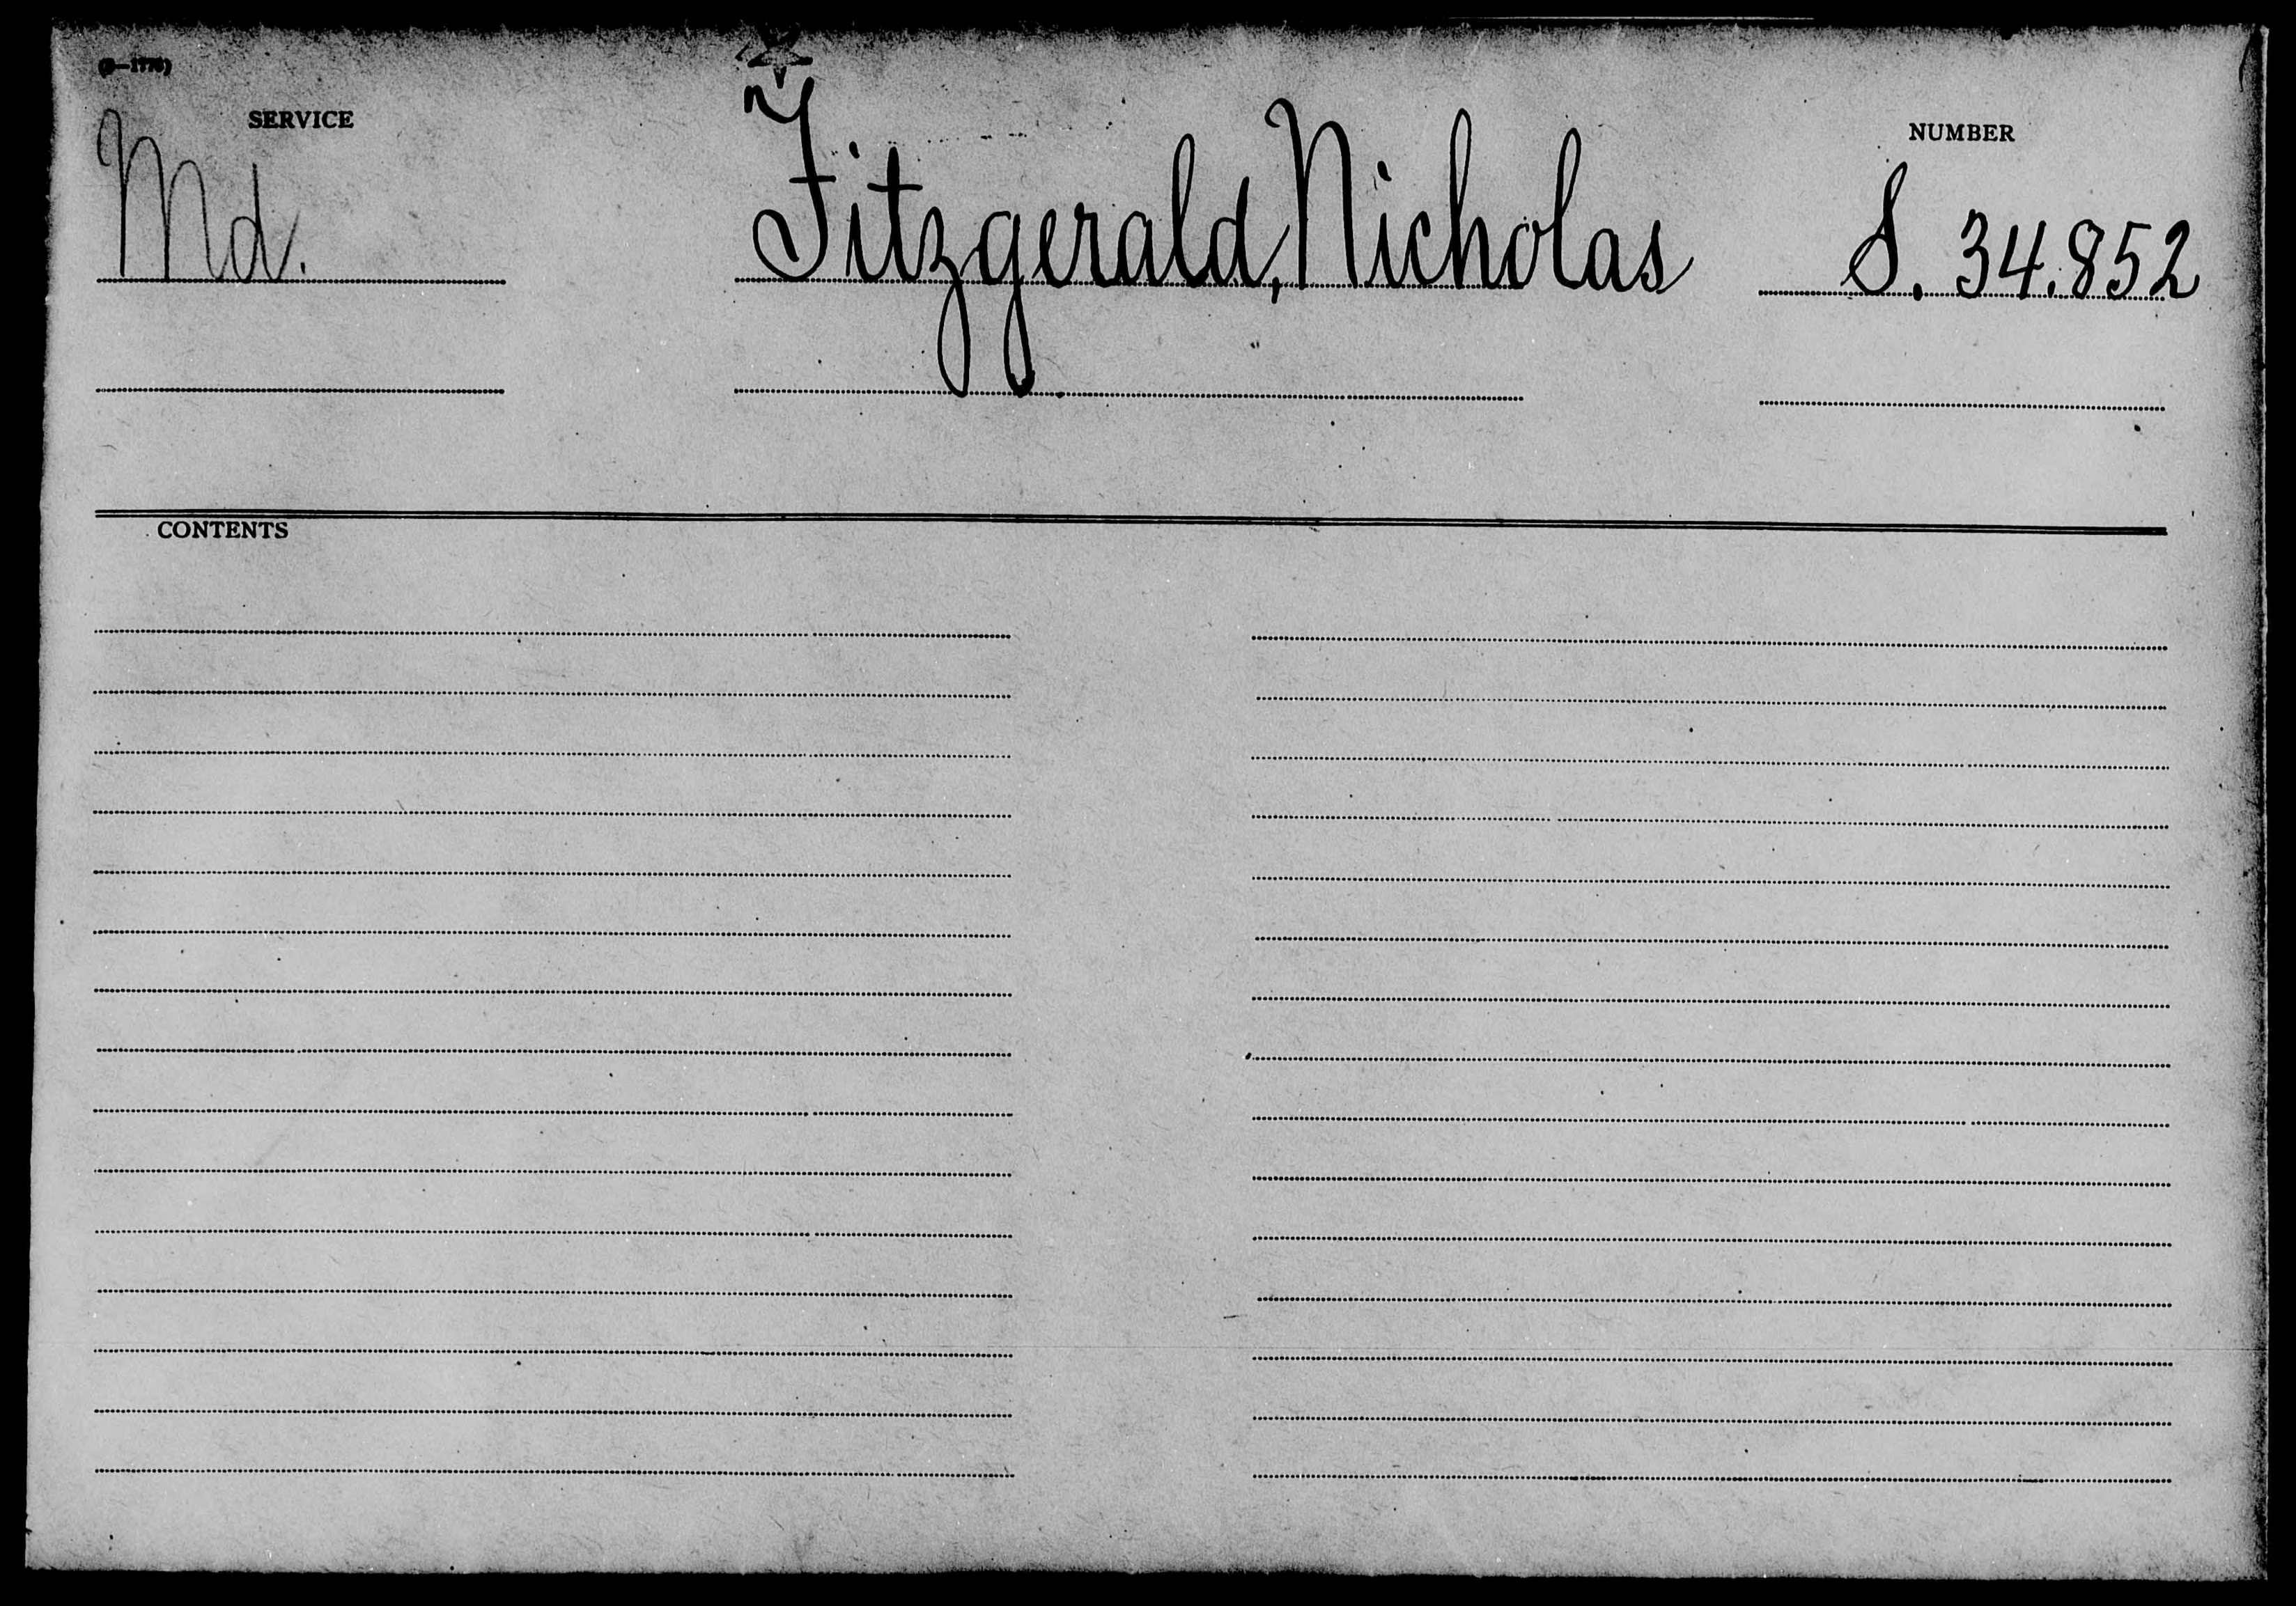Md. Fitzgerald, Nicholas S. 34.852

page: 1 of 7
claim: survivor's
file: S. 34,852, Nicholas Fitzgerald, Md.